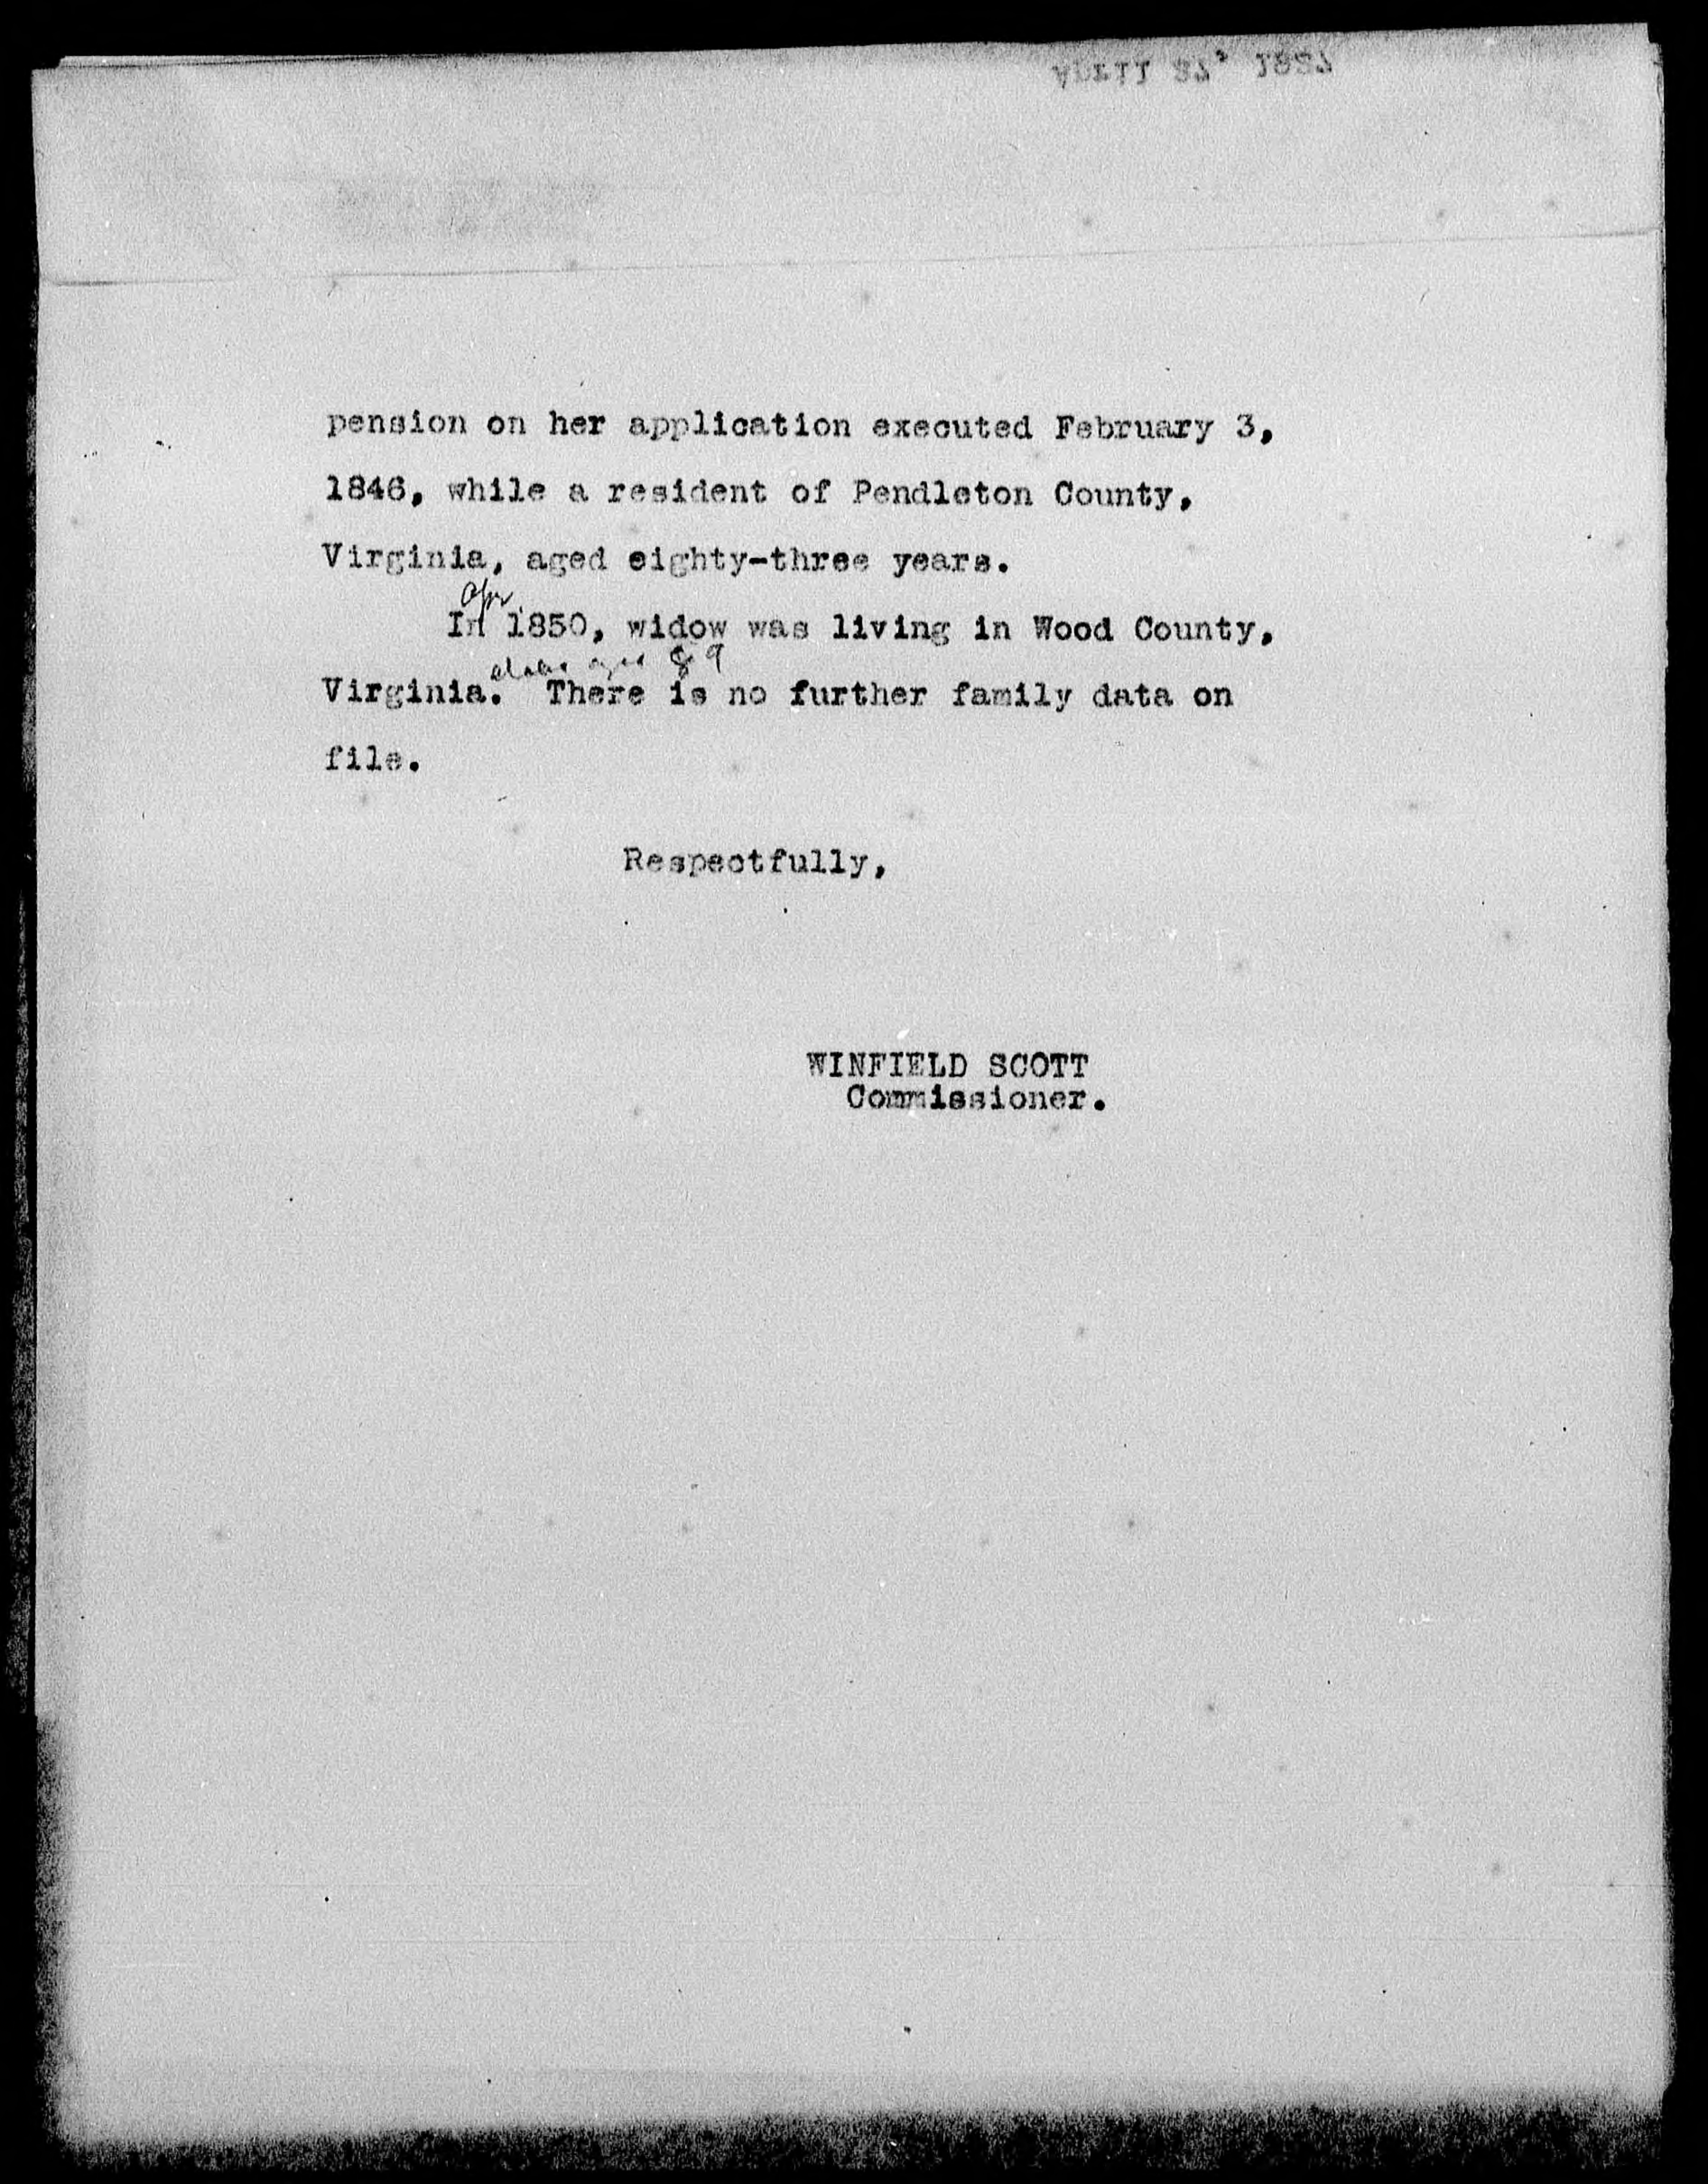pension on her application executed February 3, 1846, while a resident of Pendleton County, Virginia, aged eighty-three years.

In 1850, widow was living in Wood County, Virginia. There is no further family data on file.

Respectfully,

WINFIELD SCOTT
Commissioner.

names: Winfield Scott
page: 17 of 35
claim: widow's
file: W 7007, John Devericks, Va.